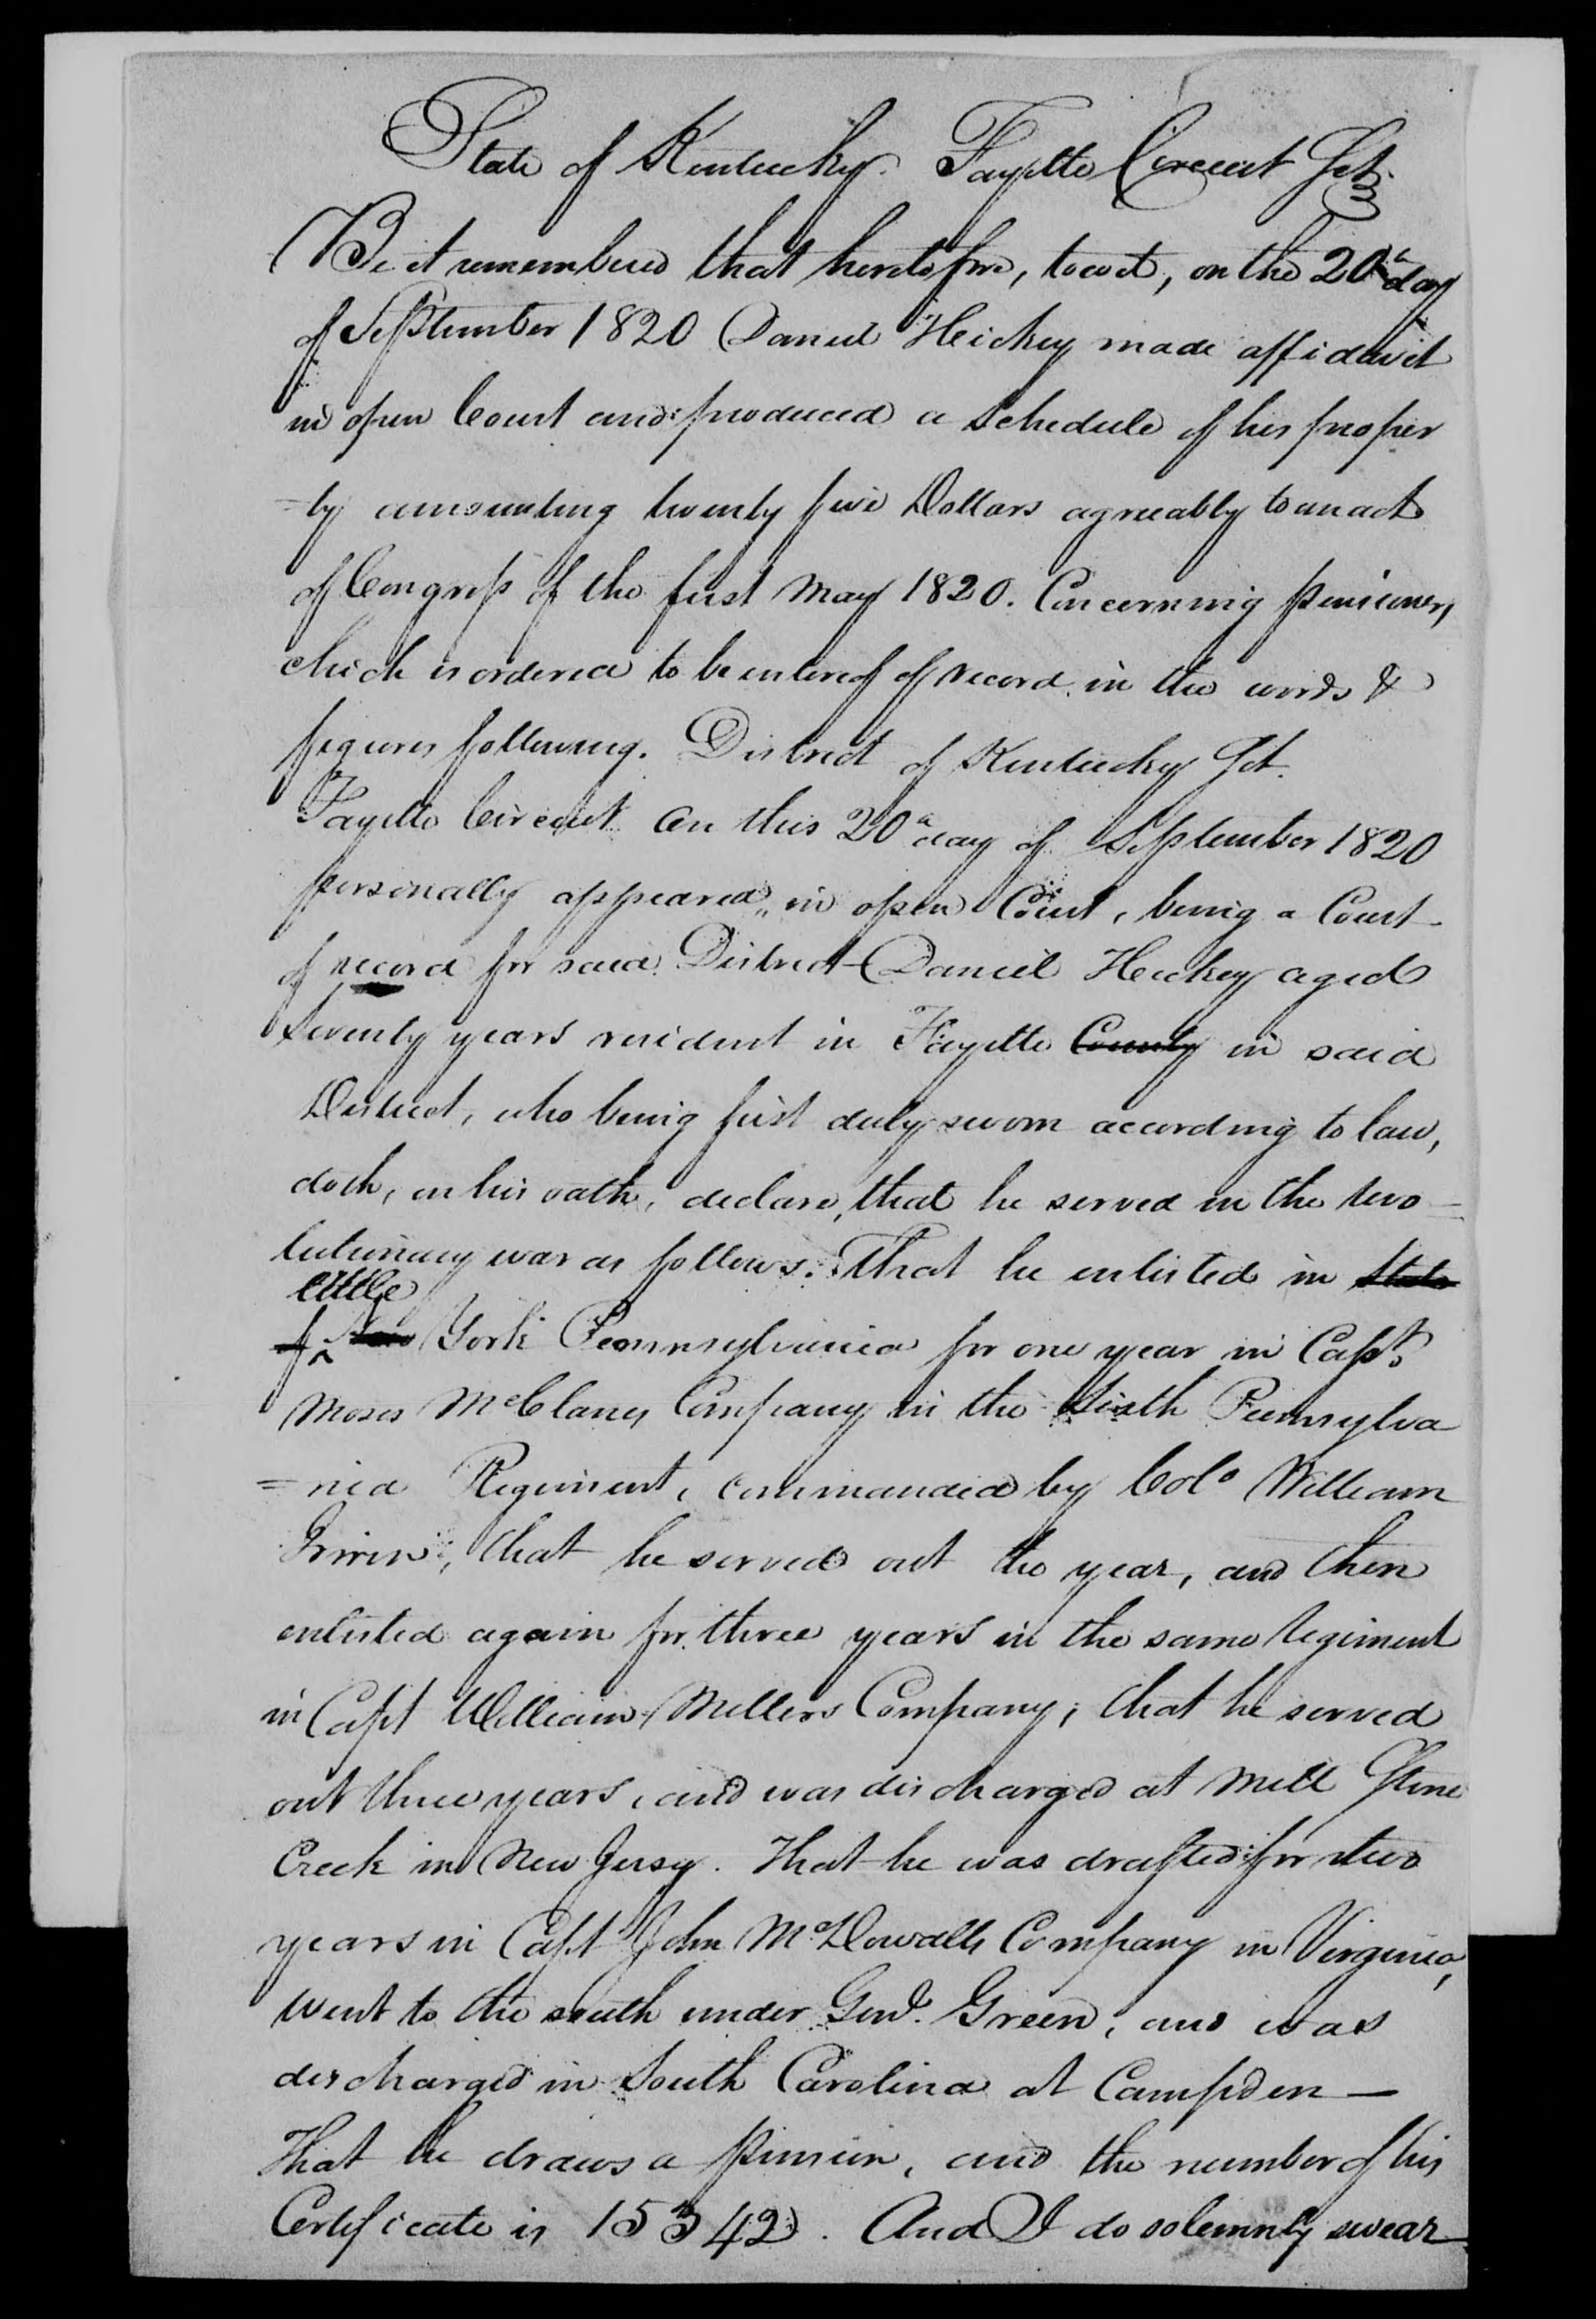State of Kentucky Fayette Circuit} Ss
Be it remembered that heretofore, to wit, on the 20th day of September 1820 Daniel Hickey made affidavit in open Court and produced a schedule of his property amounting twenty five Dollars agreeably to an act of Congress of the first May 1820, concerning pensioners
which is ordered to be entered of record in the words & figures following, District of Kentucky Sct Fayette Circuit On this 20th day of September 1820 personally appeared in open Court, being a Court of record for said District, Daniel Hickey aged Seventy years resident in Fayette County in said District, who being first duly sworn according to law, doth, on his oath, declare that he served in the Revolutionary war as follows. that he enlisted in little York Pennsylvania for one year in Capt
Moses McClanes Company in the Sixth Pennsylvania Regiment commanded by Colo William Irwin, that he served out the year, and then enlisted again for three years in the same regiment in Capt William Millers Company; that he served out three years, and was discharged at Mill Stone Creek in New Jersey. That he was drafted for two years in Capt John McDowalls Company in Virginia, 
went to the south under Genl Green, and was
discharged in South Carolina at Campden [Camden] That he draws a pension, and the number of his Certificate is 15342. And I do solemnly swear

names: Daniel Hickey, Green, William Irwin, Daniel Hickey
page: 13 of 84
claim: widow's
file: W. 7744, Daniel Hickey, Penn.